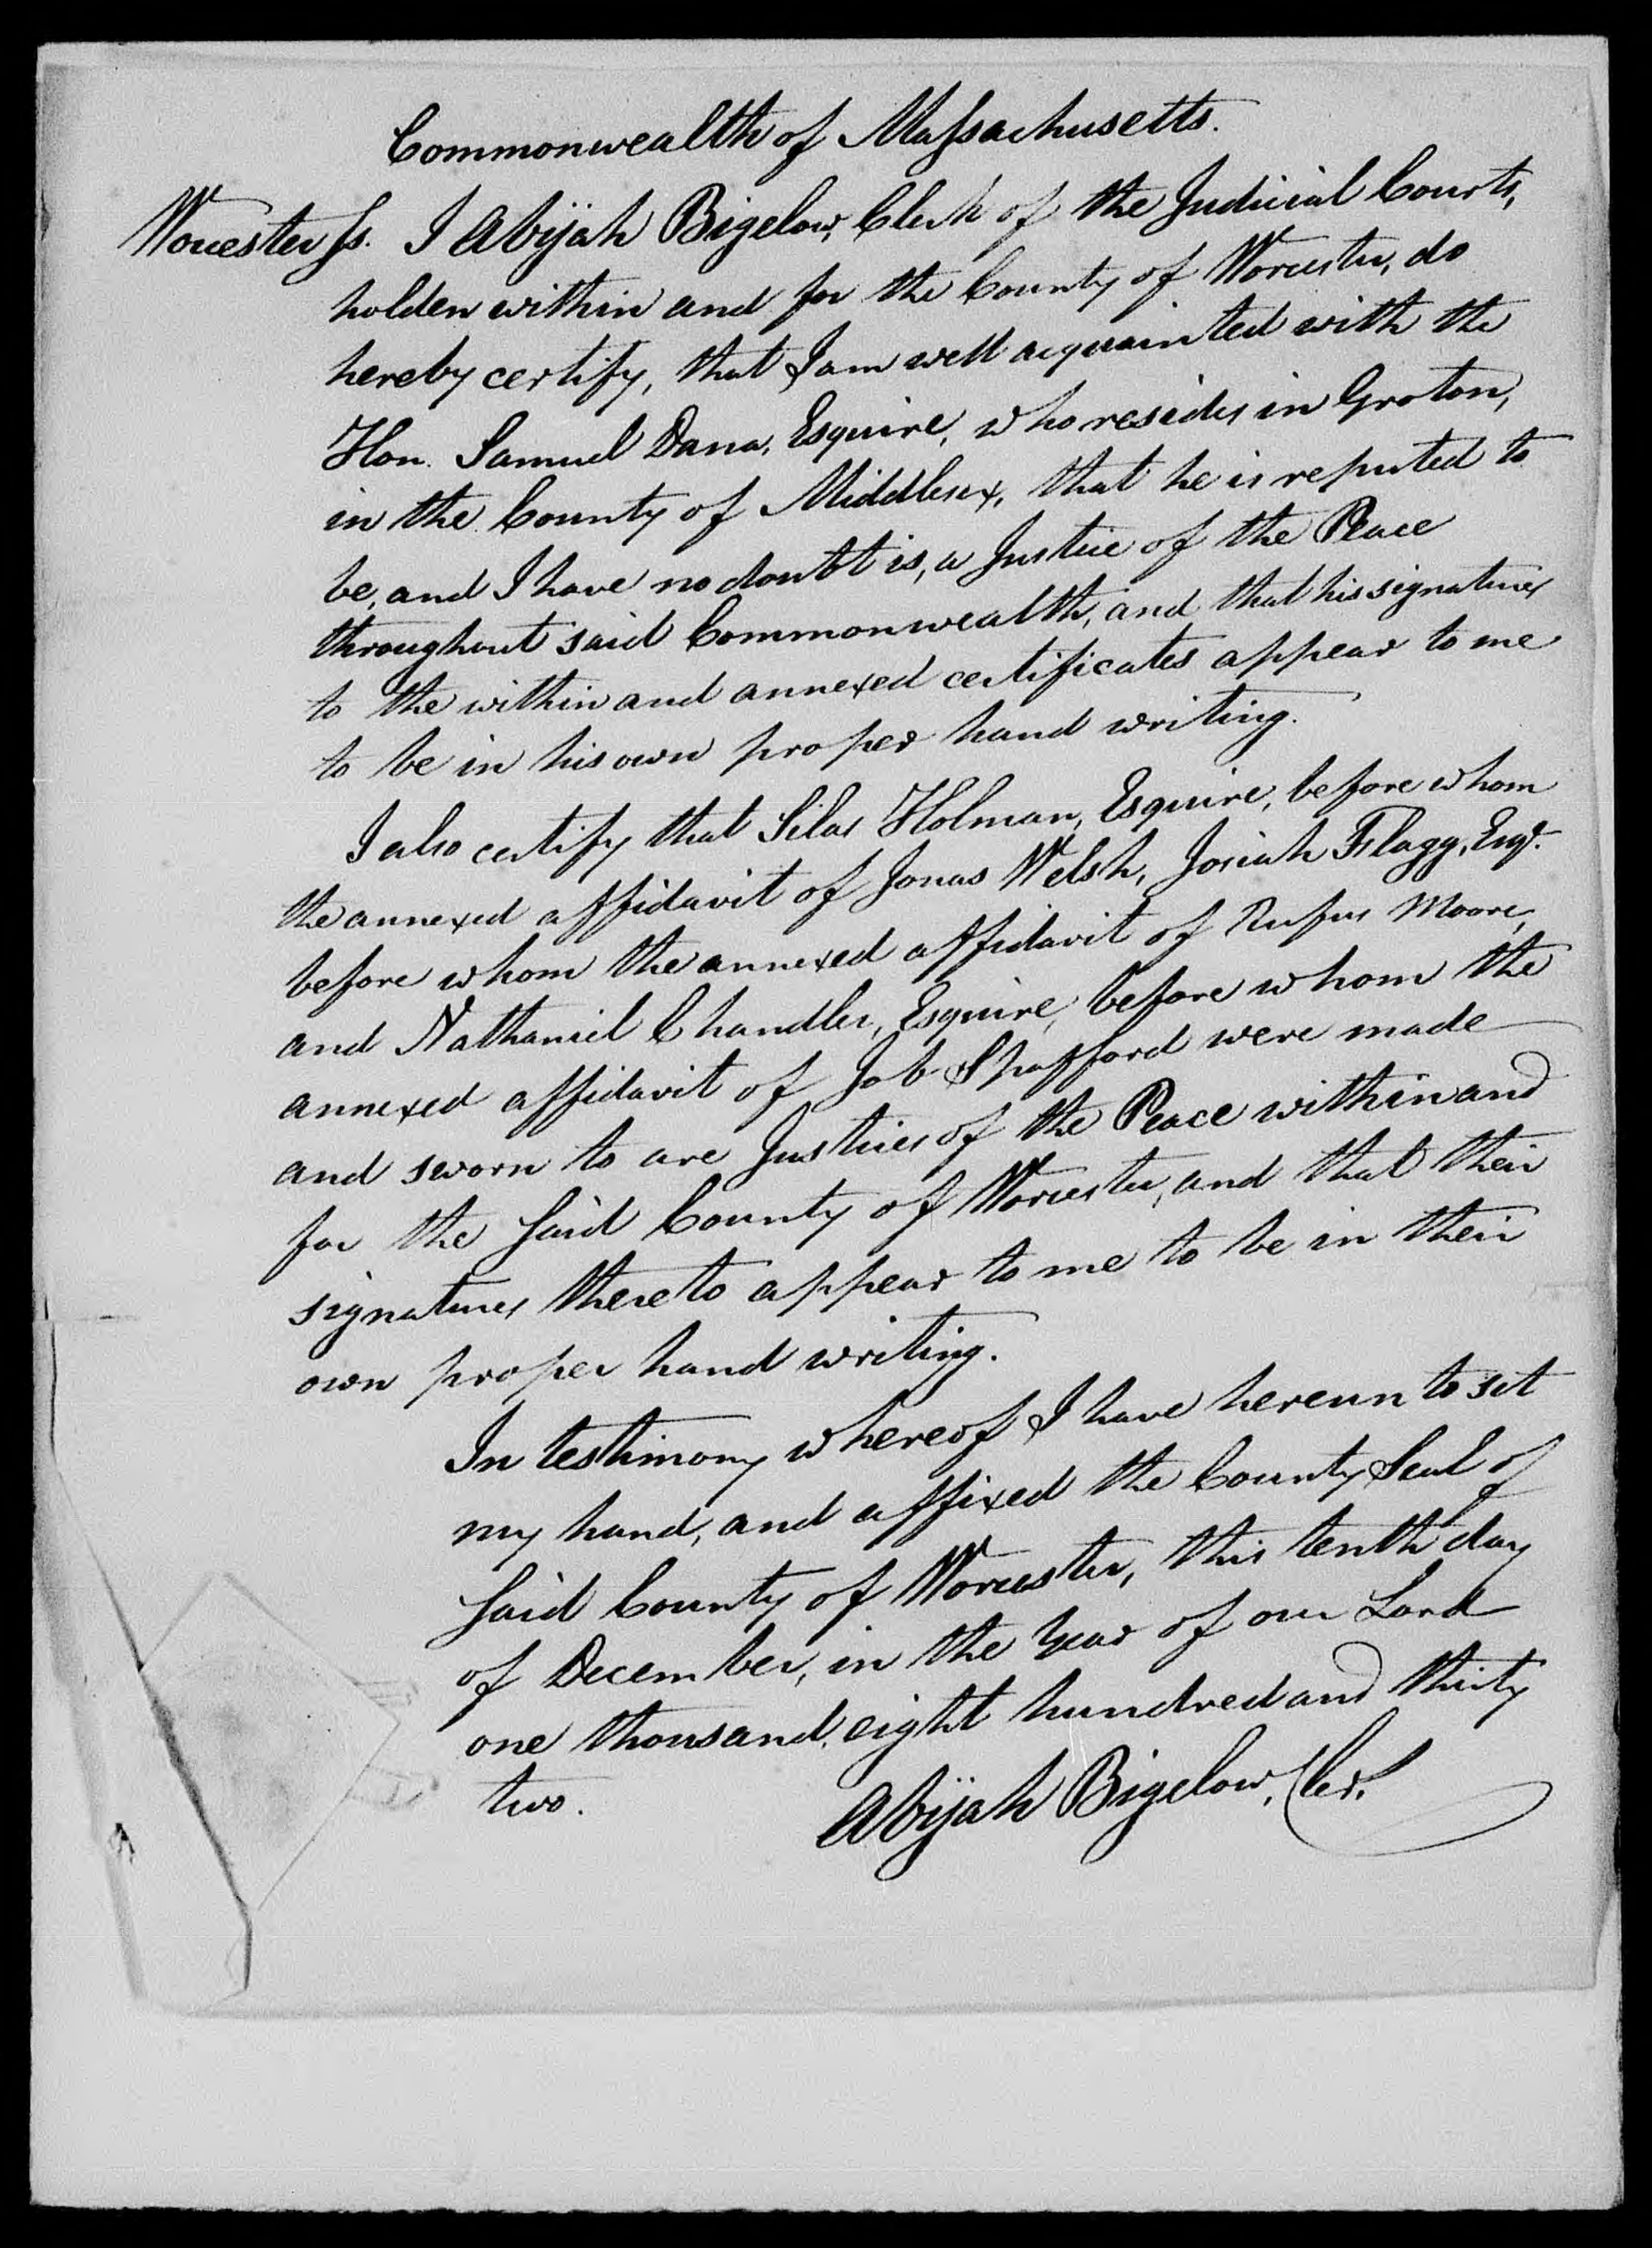Commonwealth of Massachusetts
Worcester ss. 
I Abijah Bigelow Clerk of the Judicial Courts, holden within and for the County of Worcester, do hereby certify, that I am well acquainted with the Hon. Samuel Data, Esquire, who resided in Groton, in the County of Middlesex, that he is reputed to be and I have no doubt is, a Justice of the Peace throughout said Commonwealth, and that his signature to the within and annexed certificate appears to me to be in his ow roper hand writing.

I also certify that Silas Holman, Esquire before whom the annexed affidavit of Jonas Welsh, Josiah Flagg, Esq before whom the annexed affidavit of Rufus Moore, and Nathaniel Chandler, Esquire before whom the annexed affidavit of Job Stafford were mad and sworn to re Justices of the Peace written and for the said County of Worcester, and that theri signatures thereto appear to me to be in their own proper hand writing. 

In testimony whereof I have hereunto set my hand, and affixed that County Seal of said County of Worcester, this tenth day of December, in the years of our Lord one thousand eight hundred and thirty two. 

Abijah Bigelow, Clerk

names: Abijah Bigelow, Abijah Bigelow, Samuel Dana, Job Spafford, Jonas Welsh, Silas Holman, Nathaniel Chandler, Rufus Moore, Josiah Flagg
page: 14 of 68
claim: survivor's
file: S. 29,877, Daniel Harris, Mass.